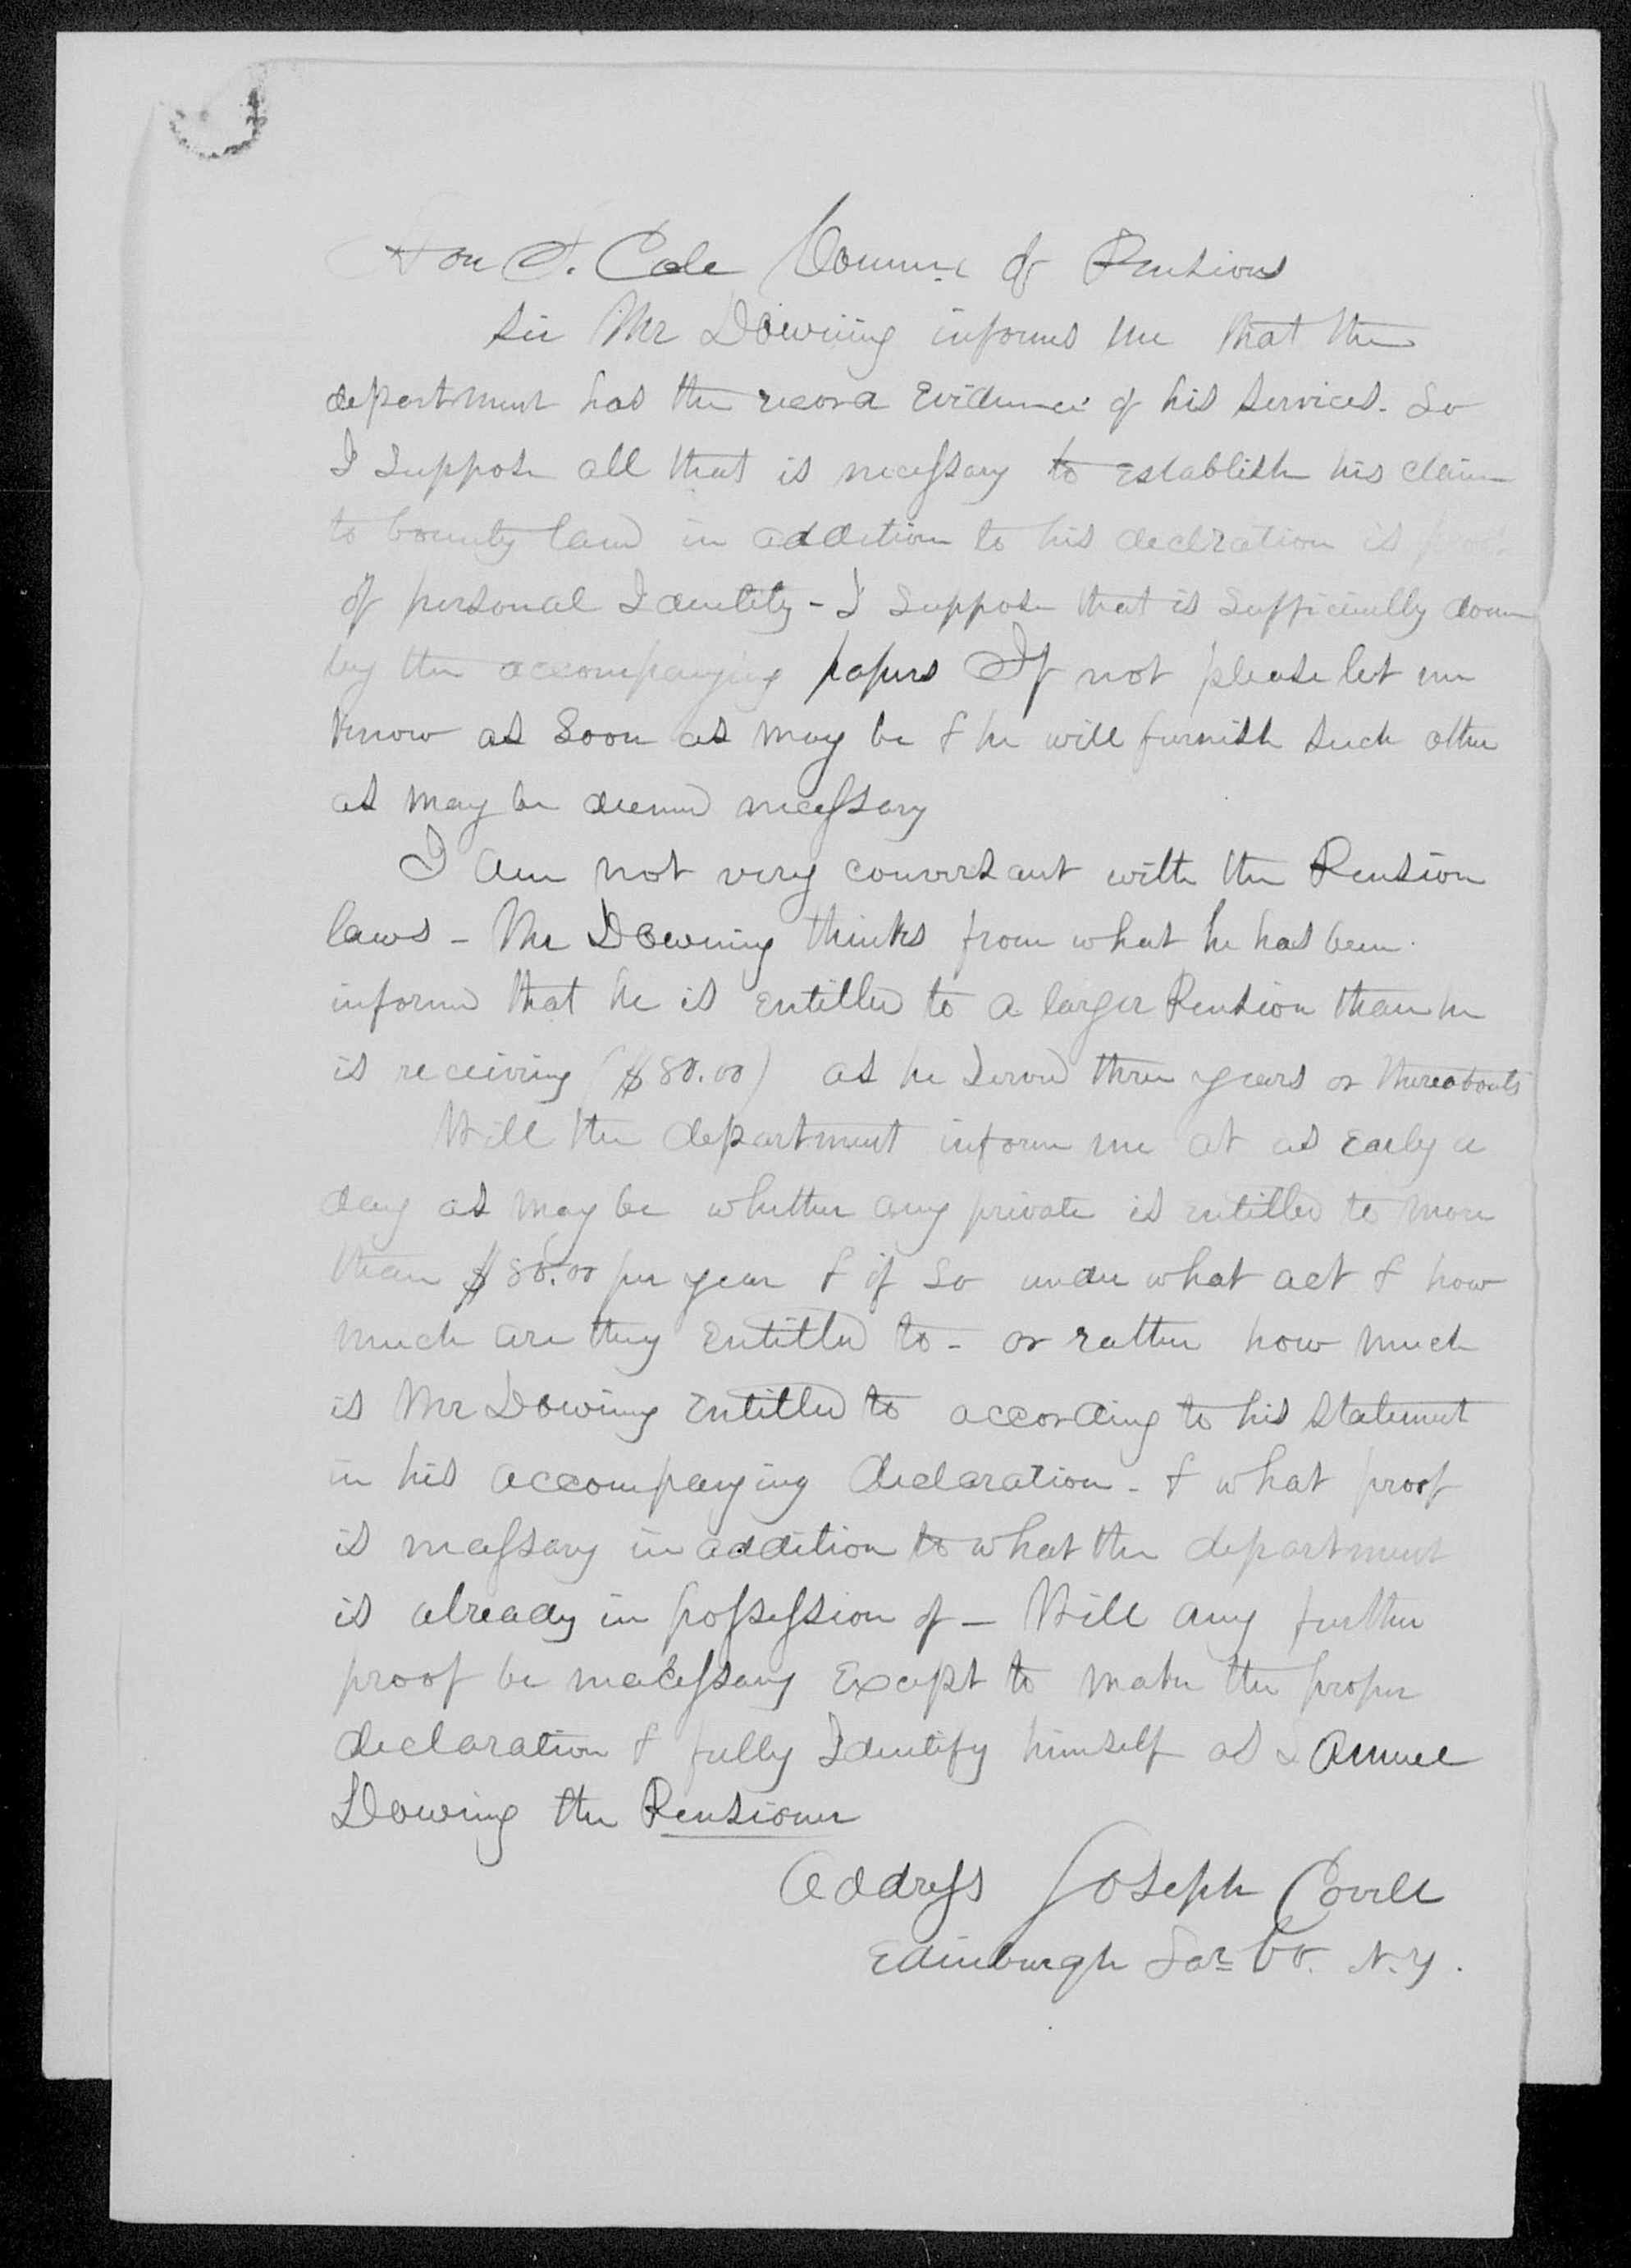Hon. J. Cole Comm of Pensions
Sir Mr Downing informed me that department has the (illegible) Evidence of his Services so I suppose all that is necessary to establish his claim to bounty land in addition to his declaration is proof of personal Identity- I suppose that is sufficiently done by accompanying papers  If not please let me know as soon as may be & he will furnish such other as may be deemed necessary 
I am not very conversant with the Pension laws - Mr Downing thinks from what he has been informed that he is entitled to a larger pension he is receiving ($80.00) as he served three years or thereabouts 
Will the department inform me at as early a day as may be whether any Private is entitled Toto more than $80.00 per year & if so under what act & how much they are entitled to - or rather how much is Mr Downing entitled to according to his statement in his accompanying declaration - & what proof is necessary in addition to what the department is already in possession of - Will any further any further proof be necessary except except to make the proper declaration & fully identify himself as Samuel Downing the Pensioner 
Address Joseph Covile
Edinburgh Sar bo. N.Y.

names: Downing, Samuel Downing, S Cole, Downing, Downing, Joseph Covell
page: 10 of 56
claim: survivor's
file: S. 40,055, Samuel Downing, N.H.